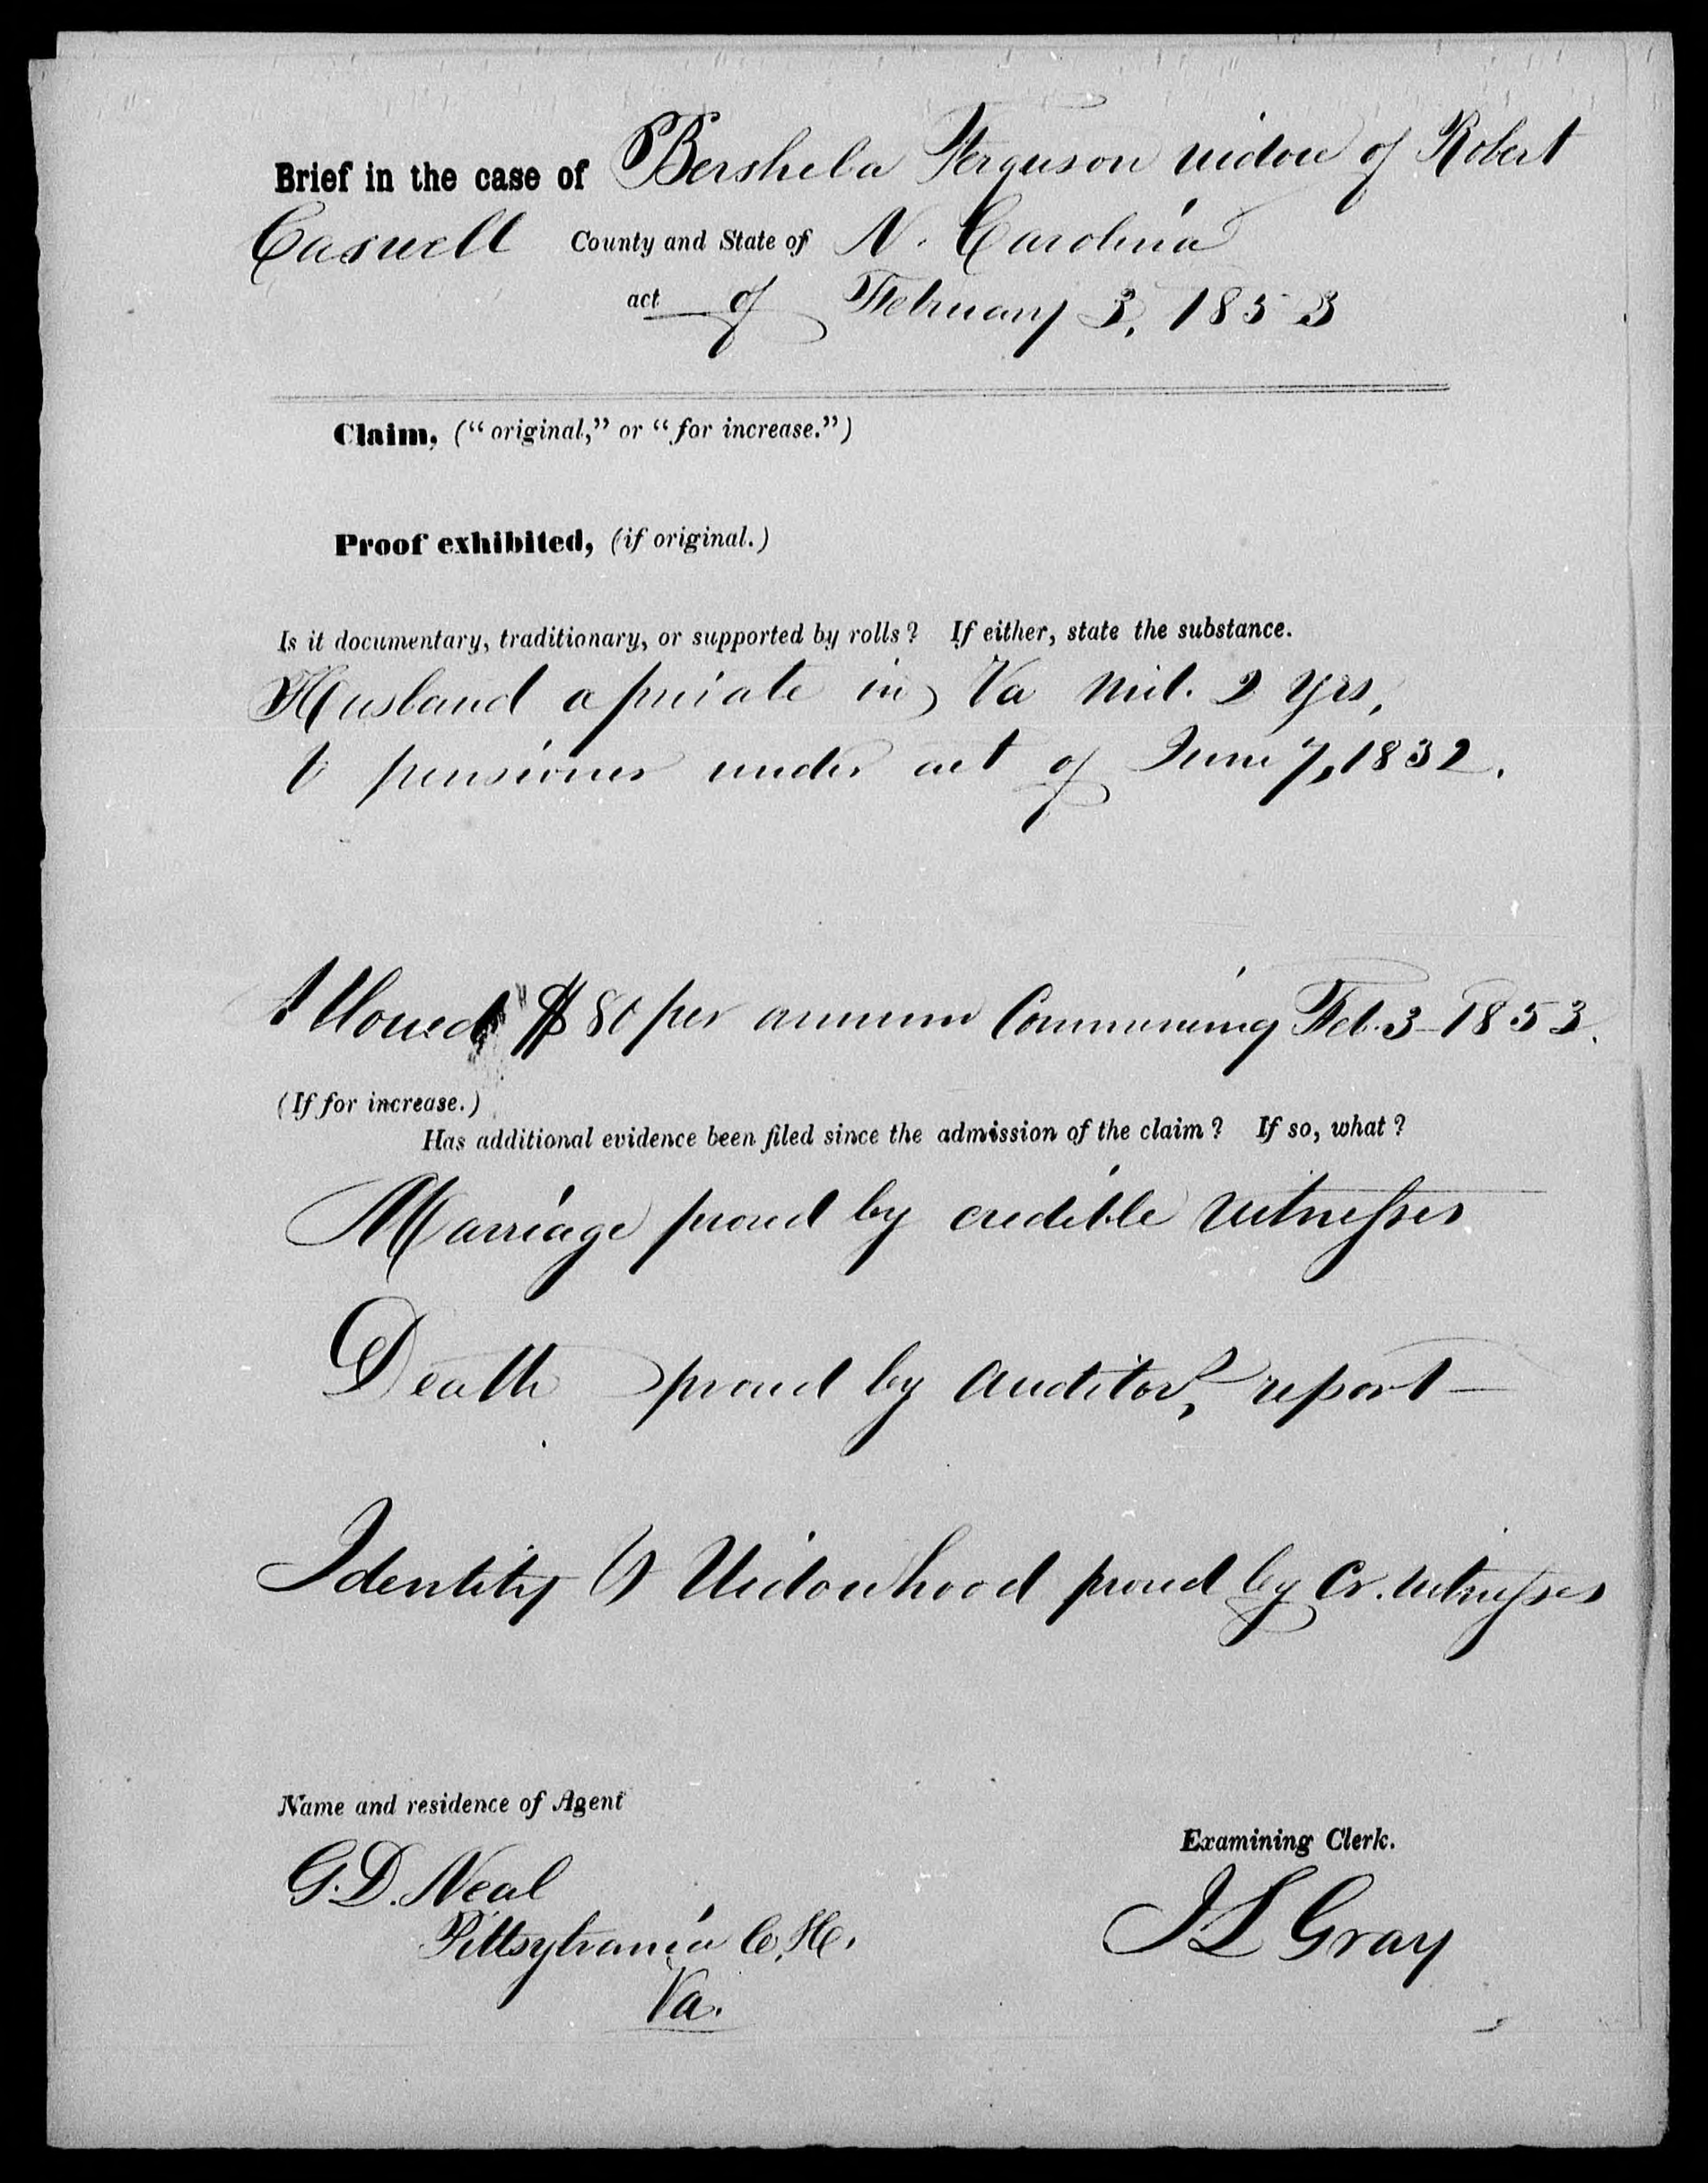Brief in the case of Bersheba Ferguson widow of Robert
Caswell County and State of N. Carolina
act of February 3, 1853
Caswell
Claim, ("original," or "for increase.")
Proof exhibited, (if original.)
Is it documentary, traditionary, or supported by rolls? If either, state the substance.
Husband a private in Va Mil. 2 yrs,
pensioner under act of June 7, 1832.
Allowed $80 per annum Commencing Feb. 3--1853.
(If for increase.)
Has additional evidence been filed since the admission of the claim? If so, what?
Marriage proved by credible witnesses
Death proved by Auditor's, report
Identity & Widowhood proved by Cr Witnesses
Name and residence of Agent
G.D. Neal
Pittsylvania Co.NC.
Va.
Examining Clerk.
J L Gray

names: G D Neal, Bersheba Ferguson, Robert Caswell, J L Gray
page: 37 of 81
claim: widow's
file: W. 7262, Robert Ferguson, Va.